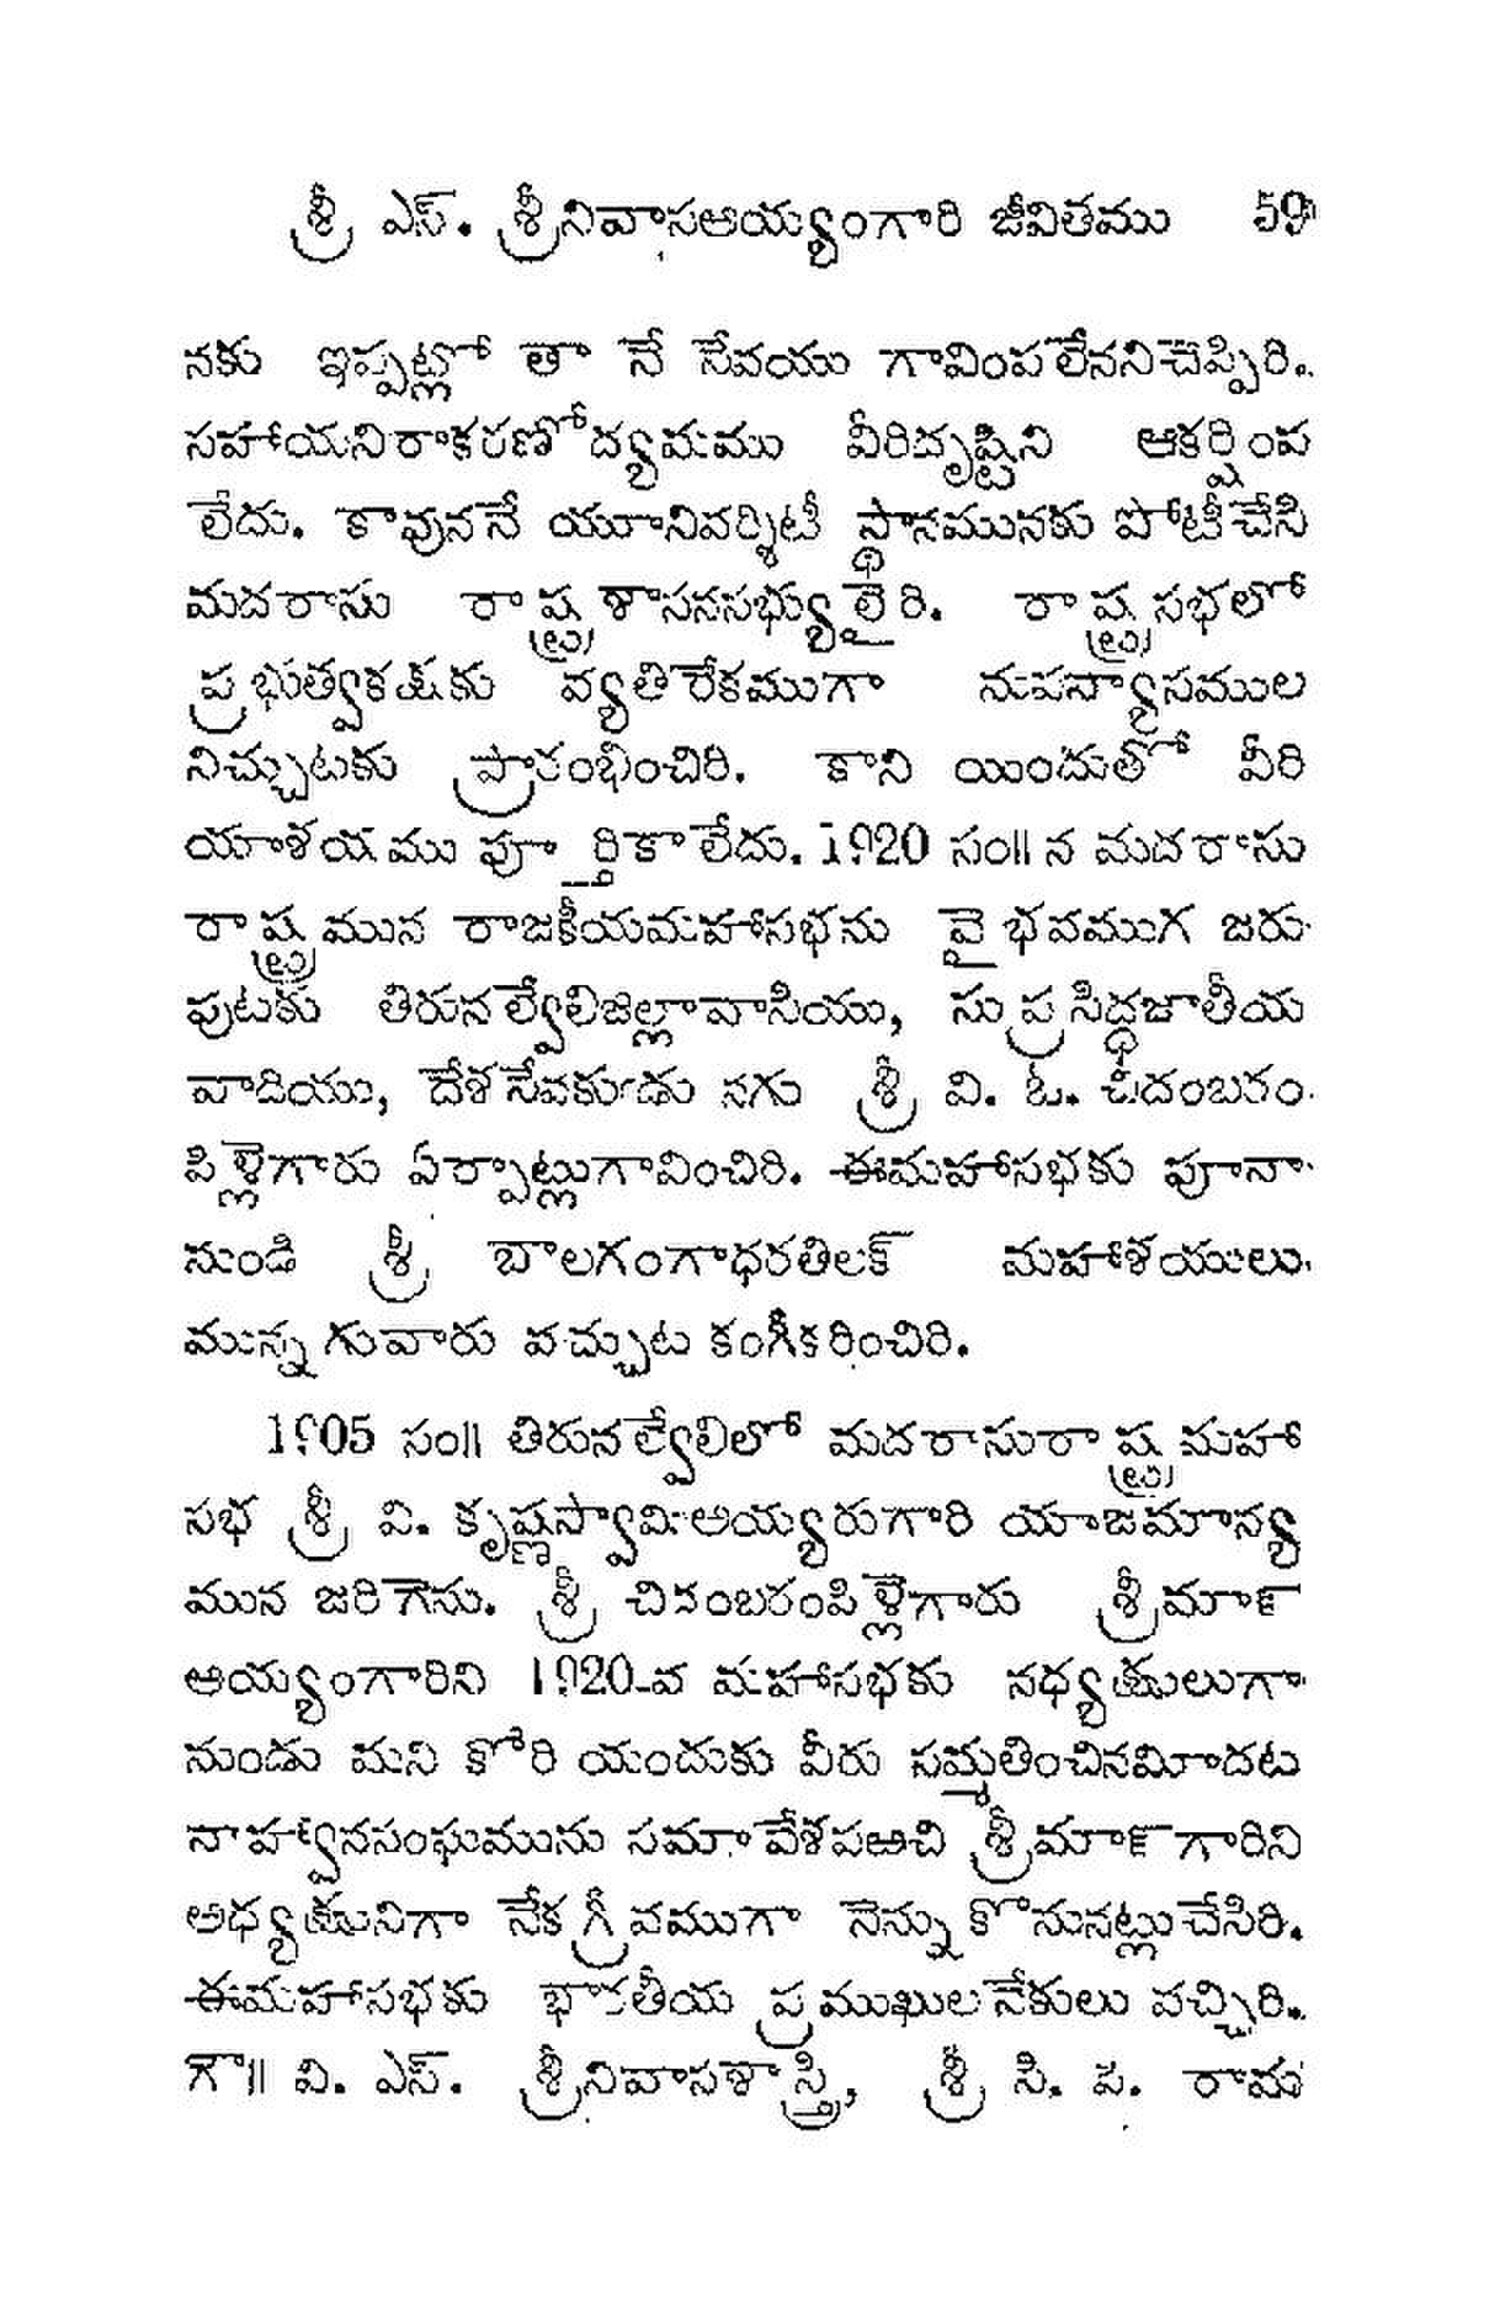నకు ఇప్పట్లో తా నే సేవయు గావింపలేననిచెప్పిరి. సహాయనిరాకరణోద్యమము వీరిదృష్టిని ఆకర్షింపలేదు. కావుననే యూనివర్శిటీ స్థానమునకు పోటీచేసి మదరాసు రాష్ట్రశాసనసభ్యులైరి. రాష్ట్రసభలో ప్రభుత్వకక్షకు వ్యతిరేకముగా నుపన్యాసముల నిచ్చుటకు ప్రారంభించిరి. కాని యిందుతో వీరి యాశయము పూర్తికాలేదు. 1920 సం!! న మదరాసు రాష్ట్రమున రాజకీయమహాసభను వైభవముగ జరుపుటకు తిరునల్వేలి
జిల్లావాసియు, సుప్రసిద్ధజాతీయ వాదియు, దేశసేవకుఁడు నగు శ్రీ వి. ఓ. చిదంబరం పెళ్లెగారు ఏర్పాట్లుగావించిరి. ఈమహాసభకు పూనానుండి శ్రీ బాలగంగాధరతిలక్ మహాశయులు మున్నగువారు వచ్చుట కంగీకరించిరి.

1905 సం|| తిరునల్వేలిలో మదరాసురాష్ట్రమహాసభ శ్రీ వి. కృష్ణస్వామిఅయ్యరుగారి యాజమాన్యమున జరిగెను. శ్రీ చిదంబరంపిళ్లెగారు శ్రీమా౯ అయ్యంగారిని 1920 వ మహాసభకు నధ్యక్షులుగా నుండు మని కోరి యందుకు వీరు సమ్మతించినమీదట నాహ్వానసంఘమును సమావేశపఱచి శ్రీమా౯గారిని అధ్యక్షునిగా నేకగ్రీవముగా నెన్నుకొనునట్లుచేసిరి. ఈమహాసభకు భారతీయ ప్రముఖులనేకులు వచ్చిరి. గౌ|| వి. ఎస్. శ్రీనివాసశాస్త్రి, శ్రీ సి. పి. రామ